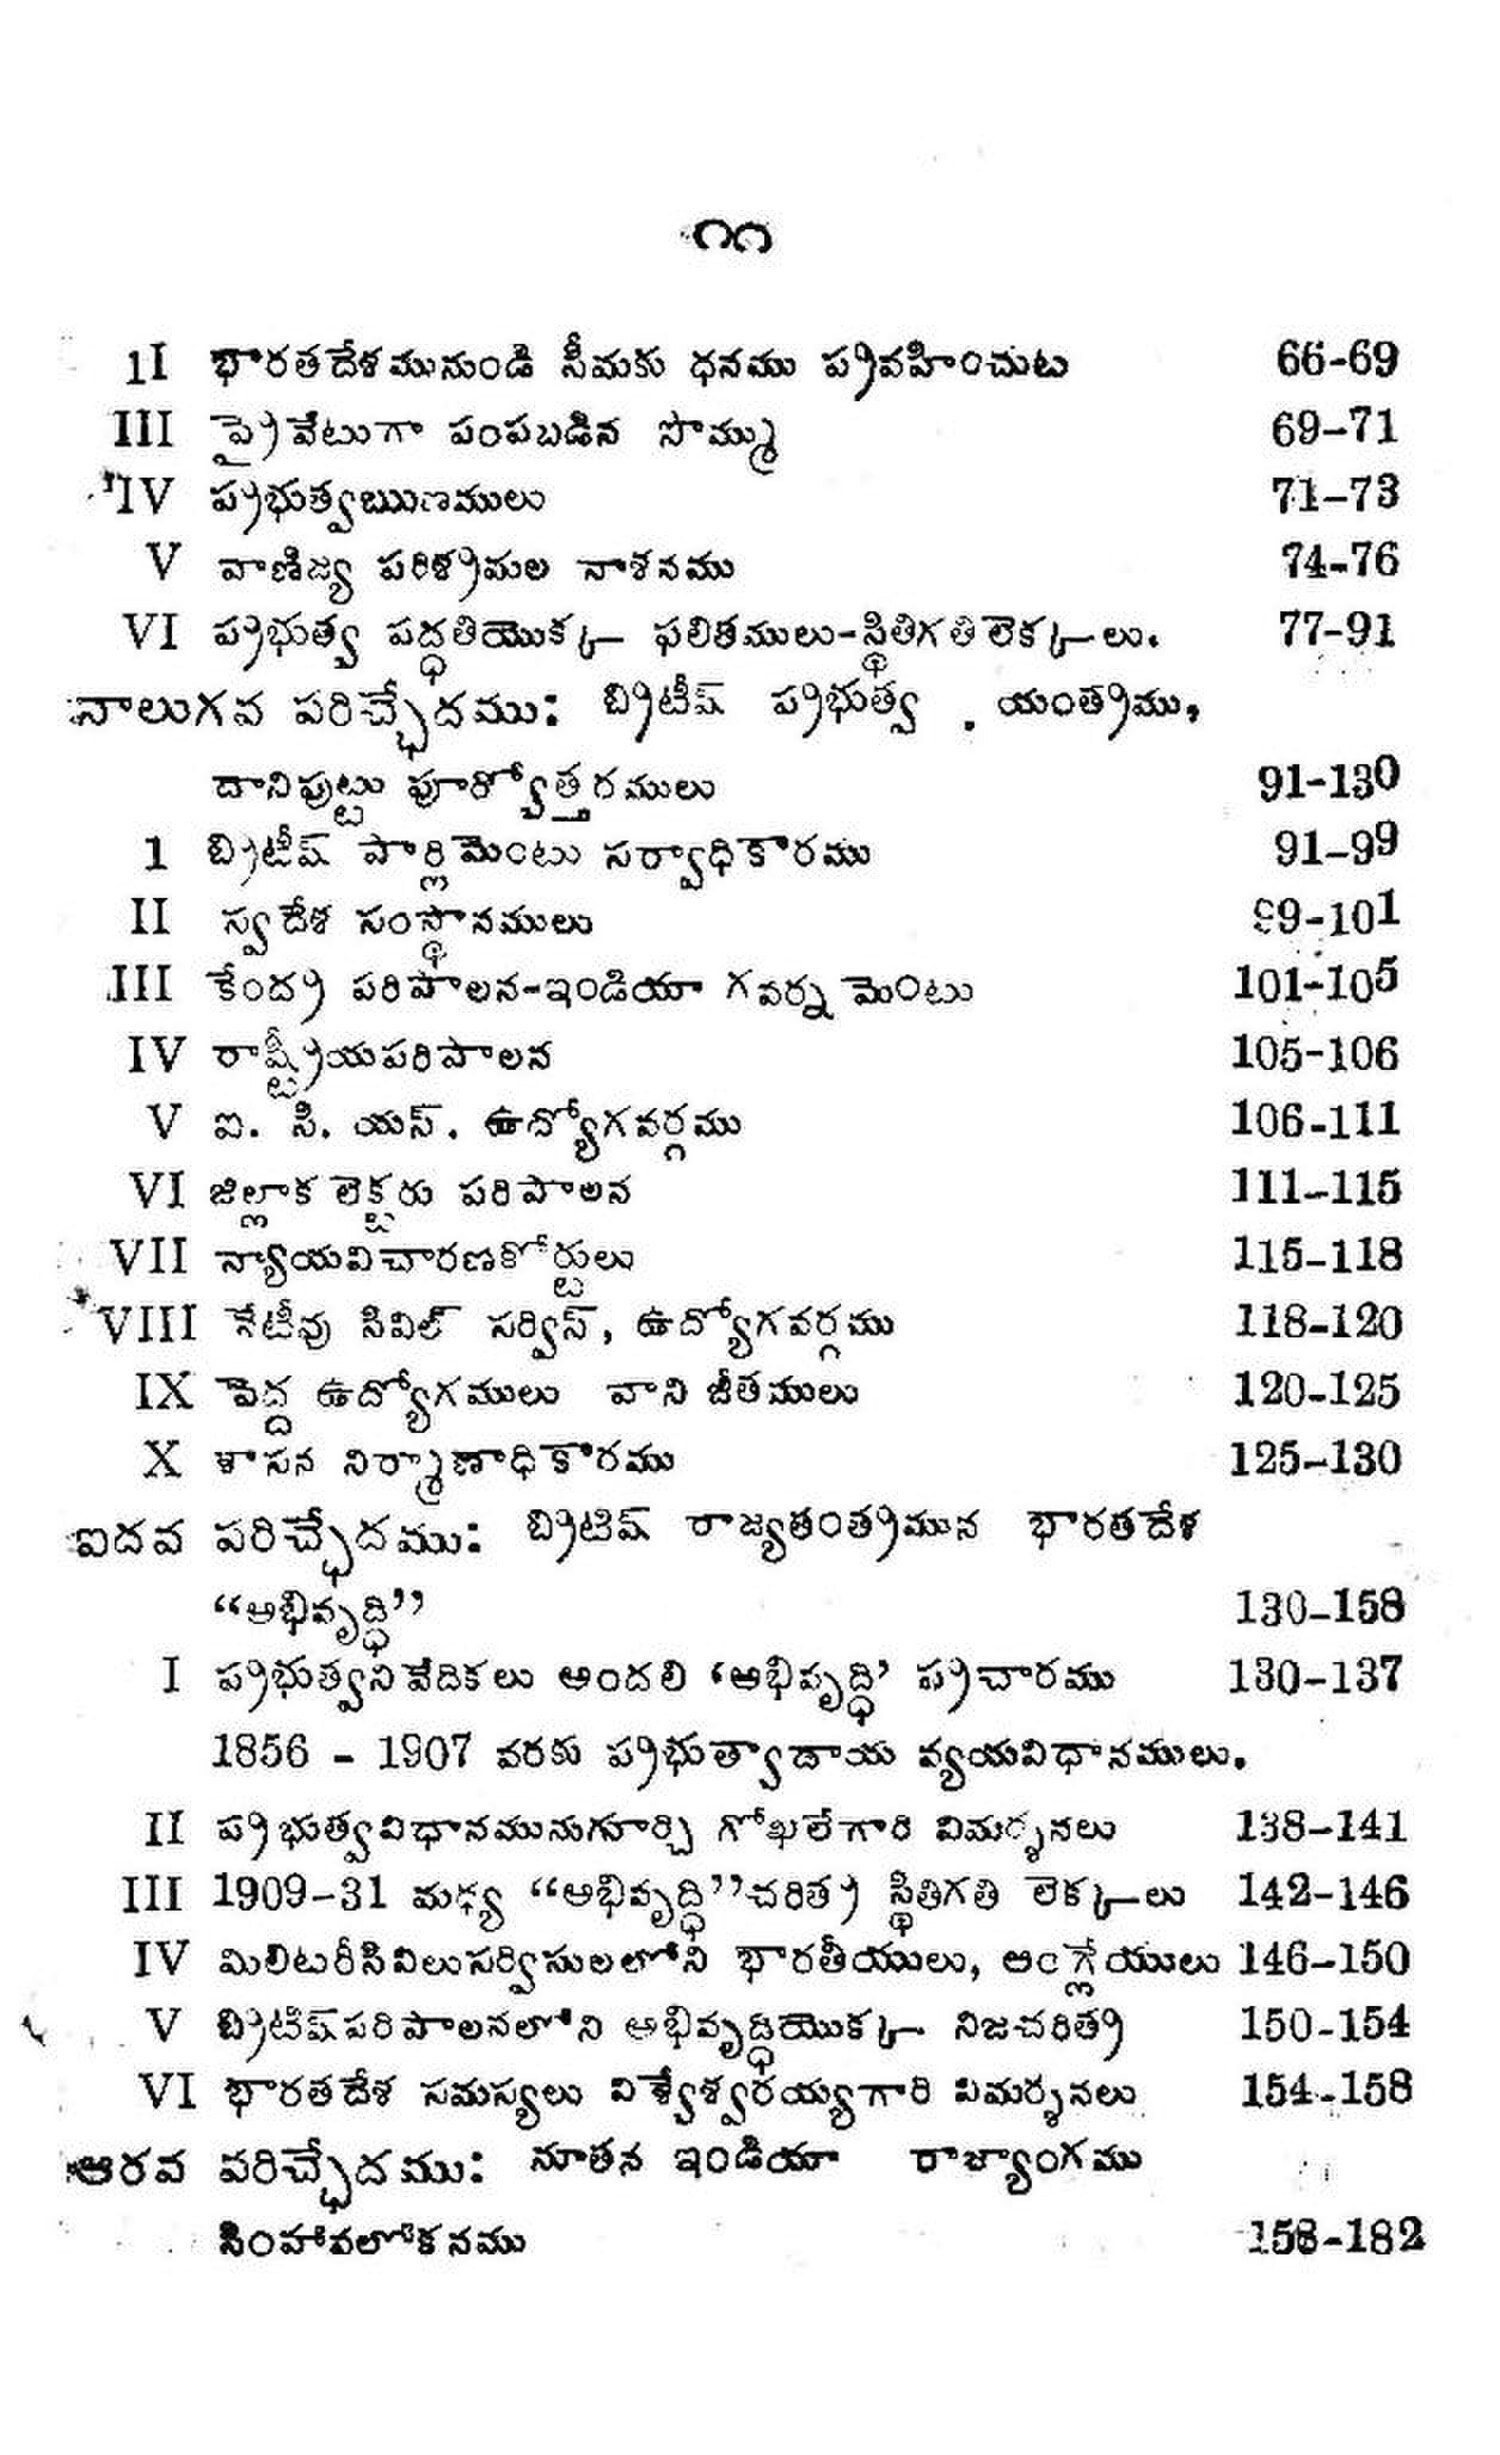II. భారత దేశమునుండి సీమకు ధనము ప్రవహించుట 66-69 
III ప్రైవేటుగా పంపబడిన సొమ్ము 69-71 
IV ప్రభుత్వఋణములు 71-73 
V వాణిజ్య పరిశ్రమల నాశనము 74-76 
VI ప్రభుత్వ పద్దతి యొక్క ఫలితములు- స్థితిగతి లెక్కలు. 77-91 
నాలుగవ పరిచ్చేదము: బ్రిటీష్ ప్రభుత్వ . యంత్రము ,
దాని పుట్టు పూర్వోత్తరములు 9-130
1 బిటీష్ పొర్లి మెంటు సర్వాధికారము 91-99
 II స్వదేశ సంస్థానములు29-101
 III కేంద్ర పరిపాలన-ఇండియా గవర్న మెంటు101-105 
IV రాష్ట్రీయపరిపాలన 105-106 
V ఐ. సి. యస్. ఉద్యోగవర్గము 106-111 
VI జిల్లాక లెక్టరు పరిపాలన 111-115 • 
VII న్యాయవిచారణకోర్టులు 115-118 
VIII Hటీవు సివిల్ సర్వీస్ , ఉద్యోగ వర్గము 118-120 
IX పెద్ద ఉద్యోగములు వాని జీతములు 120-125 
X శాసన నిర్మాణాధి కారము 125-130 
ఐదవ పరిచ్చేదము: బ్రిటిష్ రాజ్యతంత్రమున భారతదేశ (అభివృద్ధి" 130-158 
ప్రభుత్వనివేదిక లు అందలి (అభివృద్ధి' ప్రచారము 130-137
1856 - 1907 వరకు ప్రభుత్వాదాయ వ్యయవిధానములు
II ప్రభుత్వ విధానమునుగూర్చి గోఖలే గారి విమర్శనలు 138-141
III 1909-31 మధ్య అభివృద్ధి "చరిత) స్థితిగతి లెక్కలు 142-146 
IV మిలిటరీ సి విలు సర్విసులలోని భారతీయులు, ఆంగ్లేయులు 146-150 
V బ్రిటిష్ పరిపాలనలోని అభివృద్ధి యొక్క నిజచరిత 150-154
VI భారత దేశ సమస్యలు విశ్వేశ్వరయ్య గారి ఏమర్శనలు 154..158 
ఆరవ పరిచ్చేదము: నూతన ఇండియా రాజ్యాంగము సింహావలోకనము- 158-182